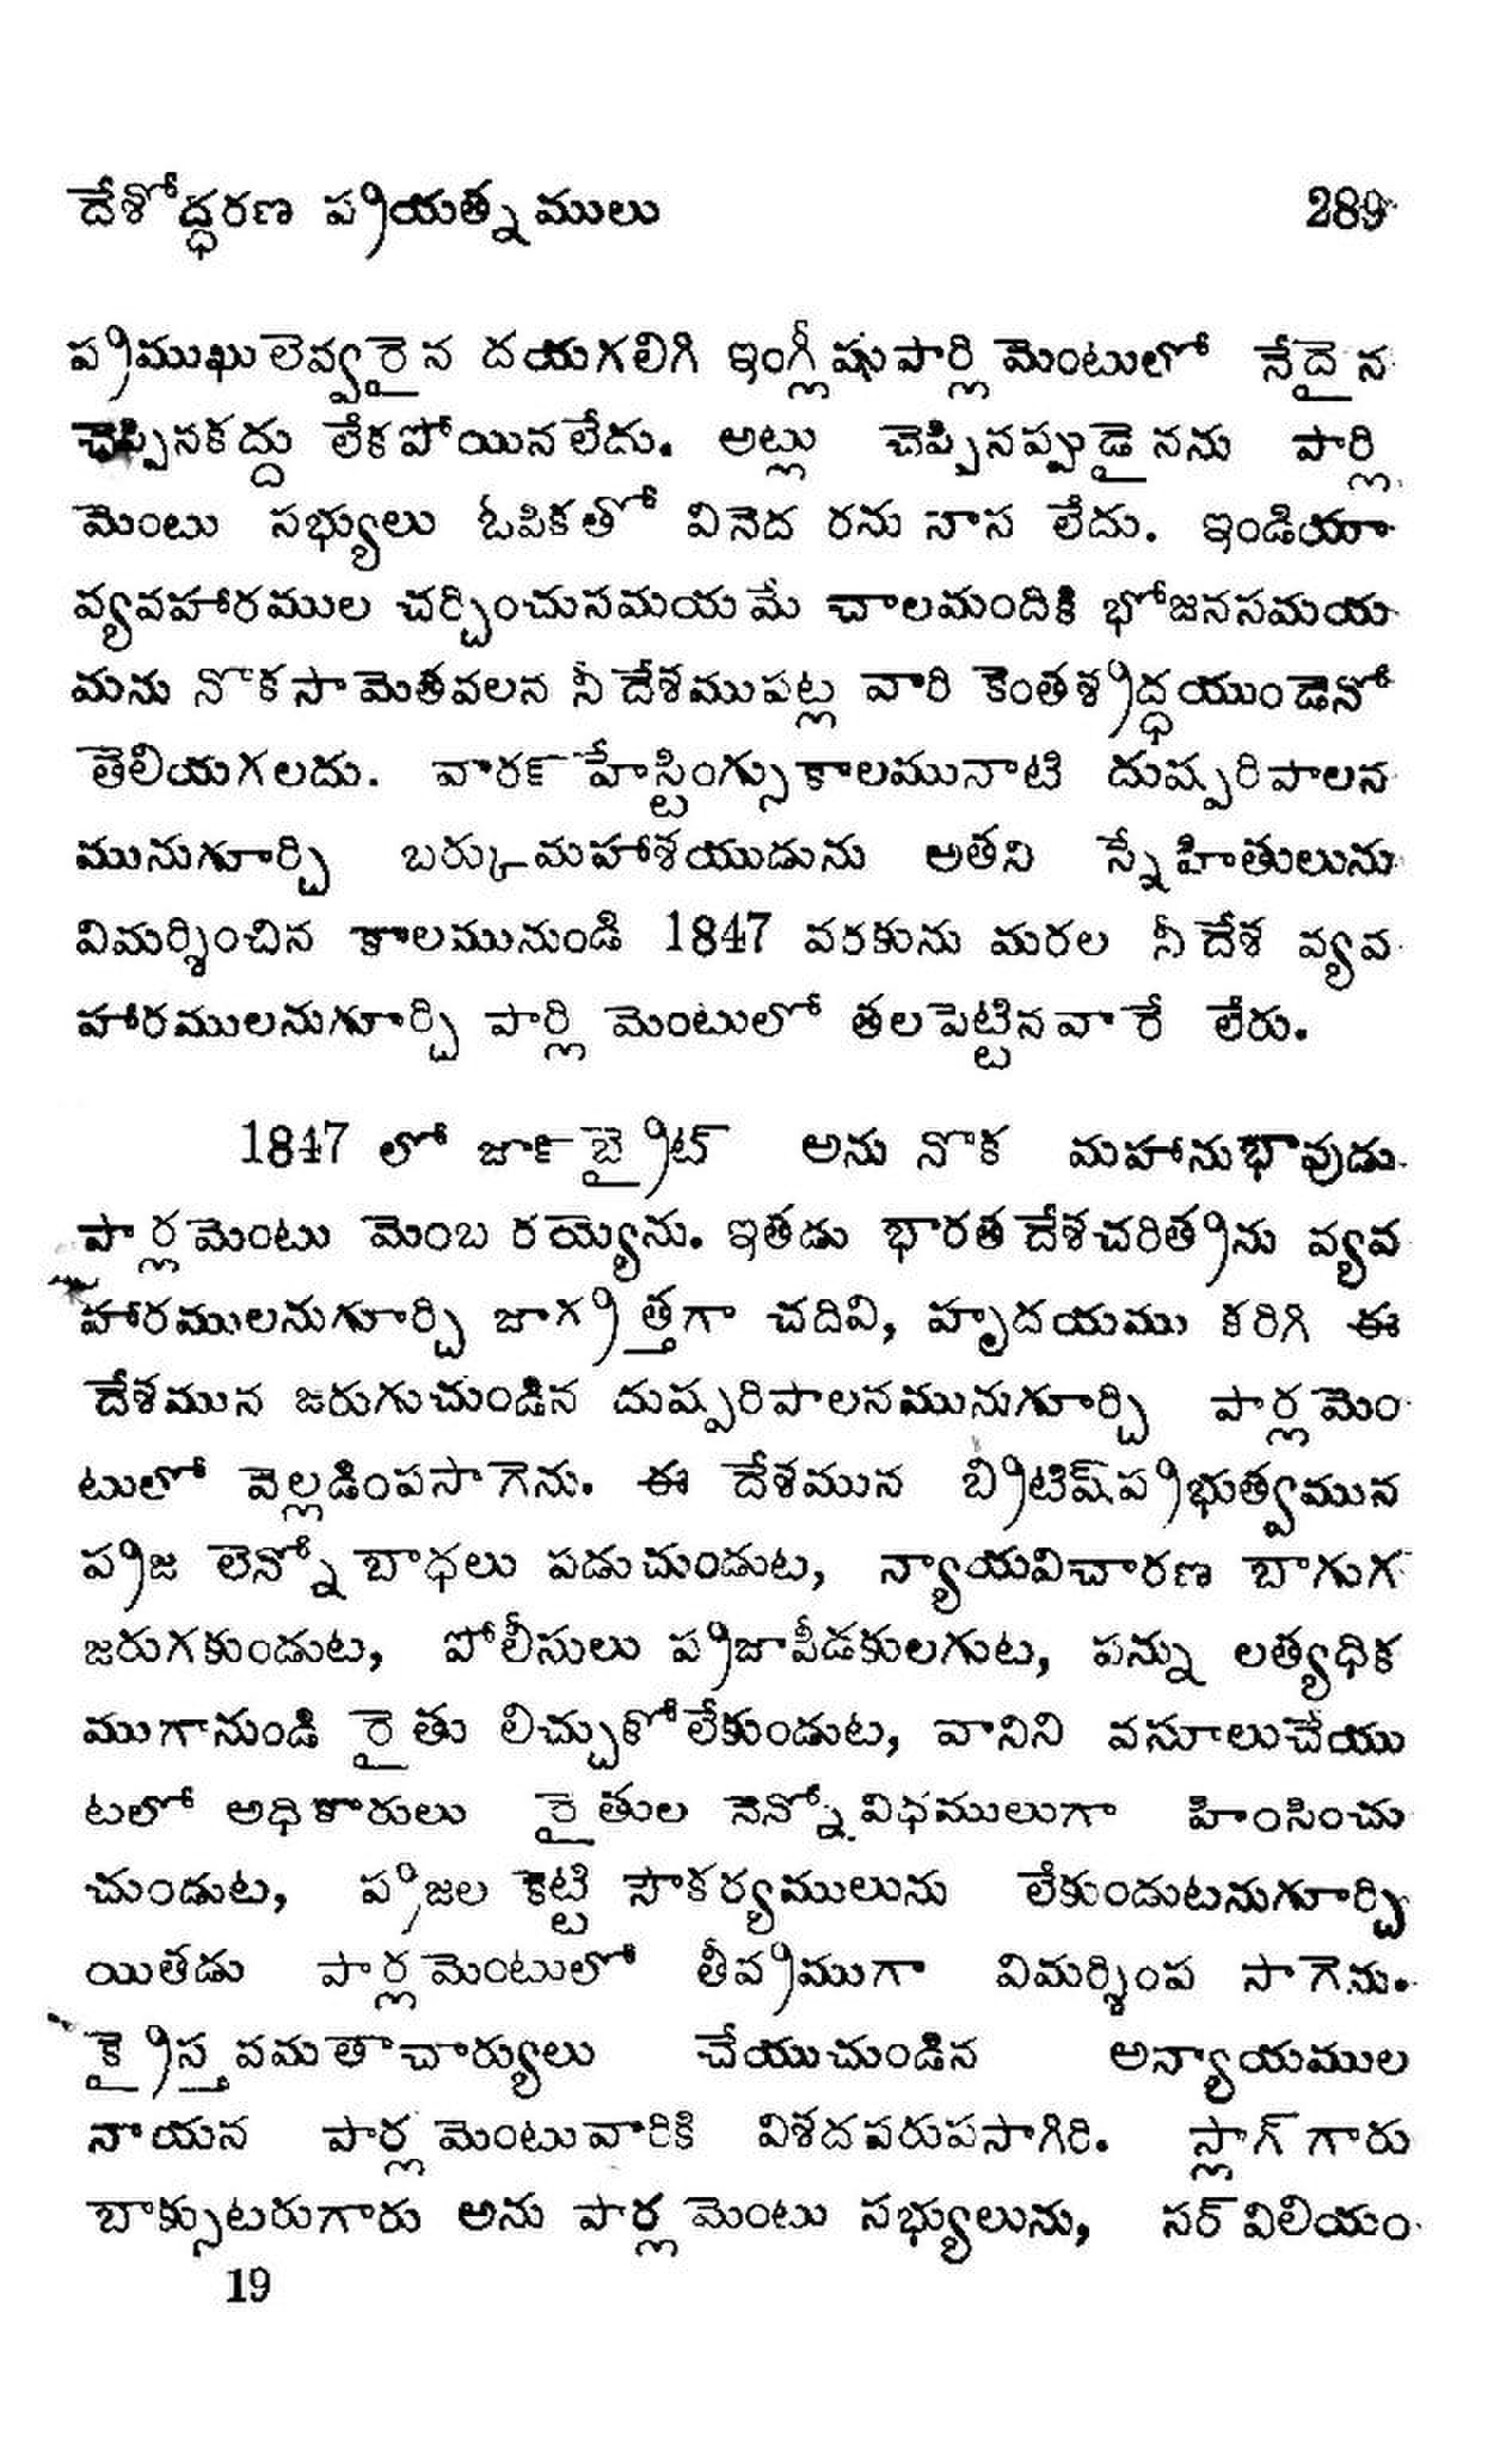ప్రముఖులెవ్వరైన దయగలిగి ఇంగ్లీషుపార్లిమెంటులో నేదైన చెప్పినకద్దు లేకపోయినలేదు. అట్లు చెప్పినప్పుడైనను పార్లిమెంటు సభ్యులు ఓపికతో వినెద రను నాస లేదు. ఇండియా వ్యవహారముల చర్చించుసమయమే చాలమందికి భోజనసమయమను నొకసామెతవలన నీ దేశముపట్ల వారి కెంతశ్రద్ధయుండెనో తెలియగలదు. వార౯హేస్టింగ్సు కాలమునాటి దుష్పరిపాలనమునుగూర్చి బర్కుమహాశయుడును అతని స్నేహితులును విమర్శించిన కాలమునుండి 1847 వరకును మరల నీదేశ వ్యవహారములనుగూర్చి పార్లి మెంటులో తలపెట్టినవారే లేరు.

1847 లో జా౯బ్రైట్ అను నొక మహానుభావుడు. పార్లమెంటు మెంబ రయ్యెను. ఇతడు భారతదేశచరిత్రను వ్యవహారములనుగూర్చి జాగ్రత్తగా చదివి, హృదయము కరిగి ఈ దేశమున జరుగుచుండిన దుష్పరిపాలనమునుగూర్చి పార్లమెంటులో వెల్లడింపసాగెను. ఈ దేశమున బ్రిటిష్ ప్రభుత్వమున ప్రజ లెన్నో బాధలు పడుచుండుట, న్యాయవిచారణ బాగుగ జరుగకుండుట, పోలీసులు ప్రజాపీడకులగుట, పన్ను లత్యధికముగానుండి రైతు లిచ్చుకోలేకుండుట, వానిని వసూలుచేయుటలో అధికారులు రైతుల నెన్నోవిధములుగా హింసించు చుండుట, ప్రజల కెట్టి సౌకర్యములును లేకుండుటనుగూర్చి యితడు పార్లమెంటులో తీవ్రముగా విమర్శింప సాగెను. క్రైస్తవమతాచార్యులు చేయుచుండిన అన్యాయముల నాయన పార్లమెంటువారికి విశదపరుపసాగిరి. స్లాగ్ గారు బాక్సుటరుగారు అను పార్లమెంటు సభ్యులును, సర్ విలియం